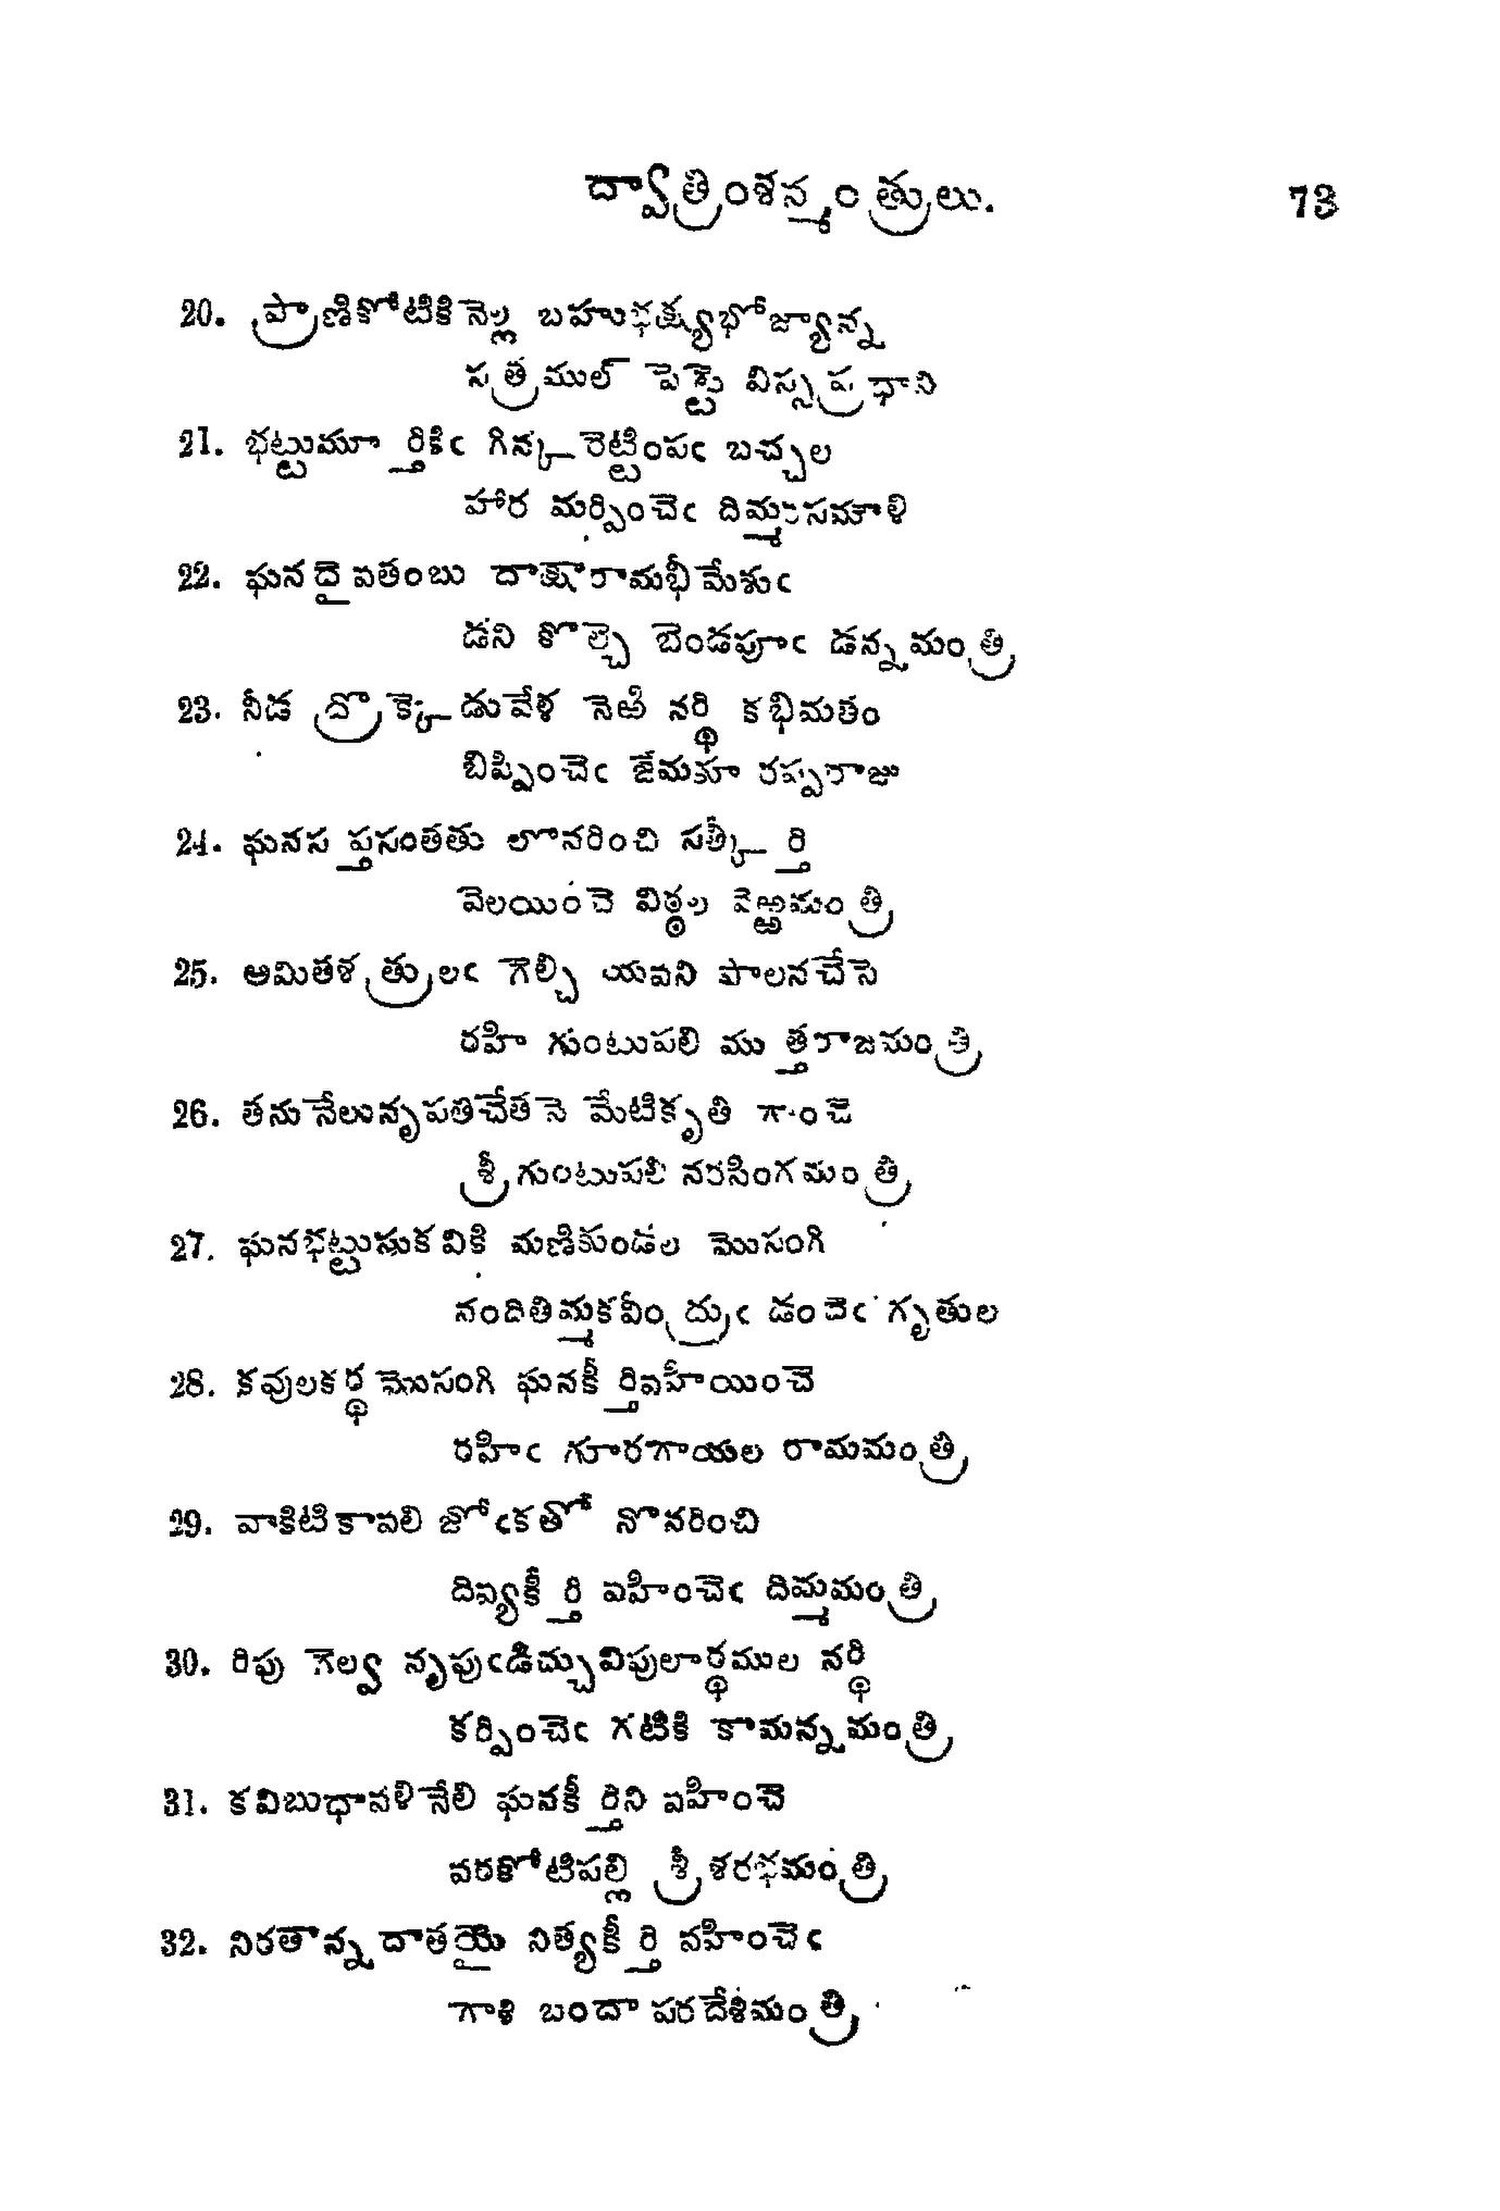20. ప్రాణికోటికి నెల్ల బహుబక్ష్యభోజ్యాన్న
 సత్రముల్ పెట్టె విస్సప్రధాని
21. భట్టుమూర్తికిఁ గిన్క రెట్టింపఁ బచ్చల
 హార మర్పించెఁ దిమ్మరసమౌళి
22. ఘనదైవతంబు దాక్షారామభీమేశుఁ
 డని కొల్చె బెండపూఁడన్నమంత్రి
23. నీడ ద్రొక్కెడువేళ నెఱి కర్థి కభిమతం
 బిప్పించెఁ జేమకూ రప్పరాజు
24. ఘనసప్తసంతతు లొనరించిన సత్కీర్తి
 వెలయించె విఠ్ఠల వెఱ్ఱమంత్రి
25. అమితశత్రులఁ గెల్చి యవనిపాలన చేసె
 రహి గుంటుపలి ముత్తరాజమంత్రి
26. తను నేలు నృపతిచేతనె మేటికృతి గాంచె
 శ్రీగుంటుపలి నరసింగమంత్రి
27. ఘనభట్టు సుకవికి మణికుండల మొసంగి
 నంది తిమ్మకవీంద్రుఁ డందెఁ గృతుల
28. కవుల కర్థ మొసంగి ఘనకీర్తి వహియించె
 రహిఁ గూరగాయన రామమంత్రి
29. వాకిటికావలి జోఁకతో నొనరించి
 దివ్యకీర్తి వహించెఁ దిమ్మమంత్రి
30. రిపు గెల్వ నృపుఁ డిచ్చు విపులార్థముల నర్థి
 కర్పించెఁ గటికి కామన్నమంత్రి
31. కవిబుధావళి నేలి ఘనకీర్తి వహించె
 వరకోటిపల్లి శ్రీశరభమంత్రి
32. నిరతాన్నదాతయై నిత్యకీర్తి వహించెఁ
 గాశి బందా పరదేశిమంత్రి